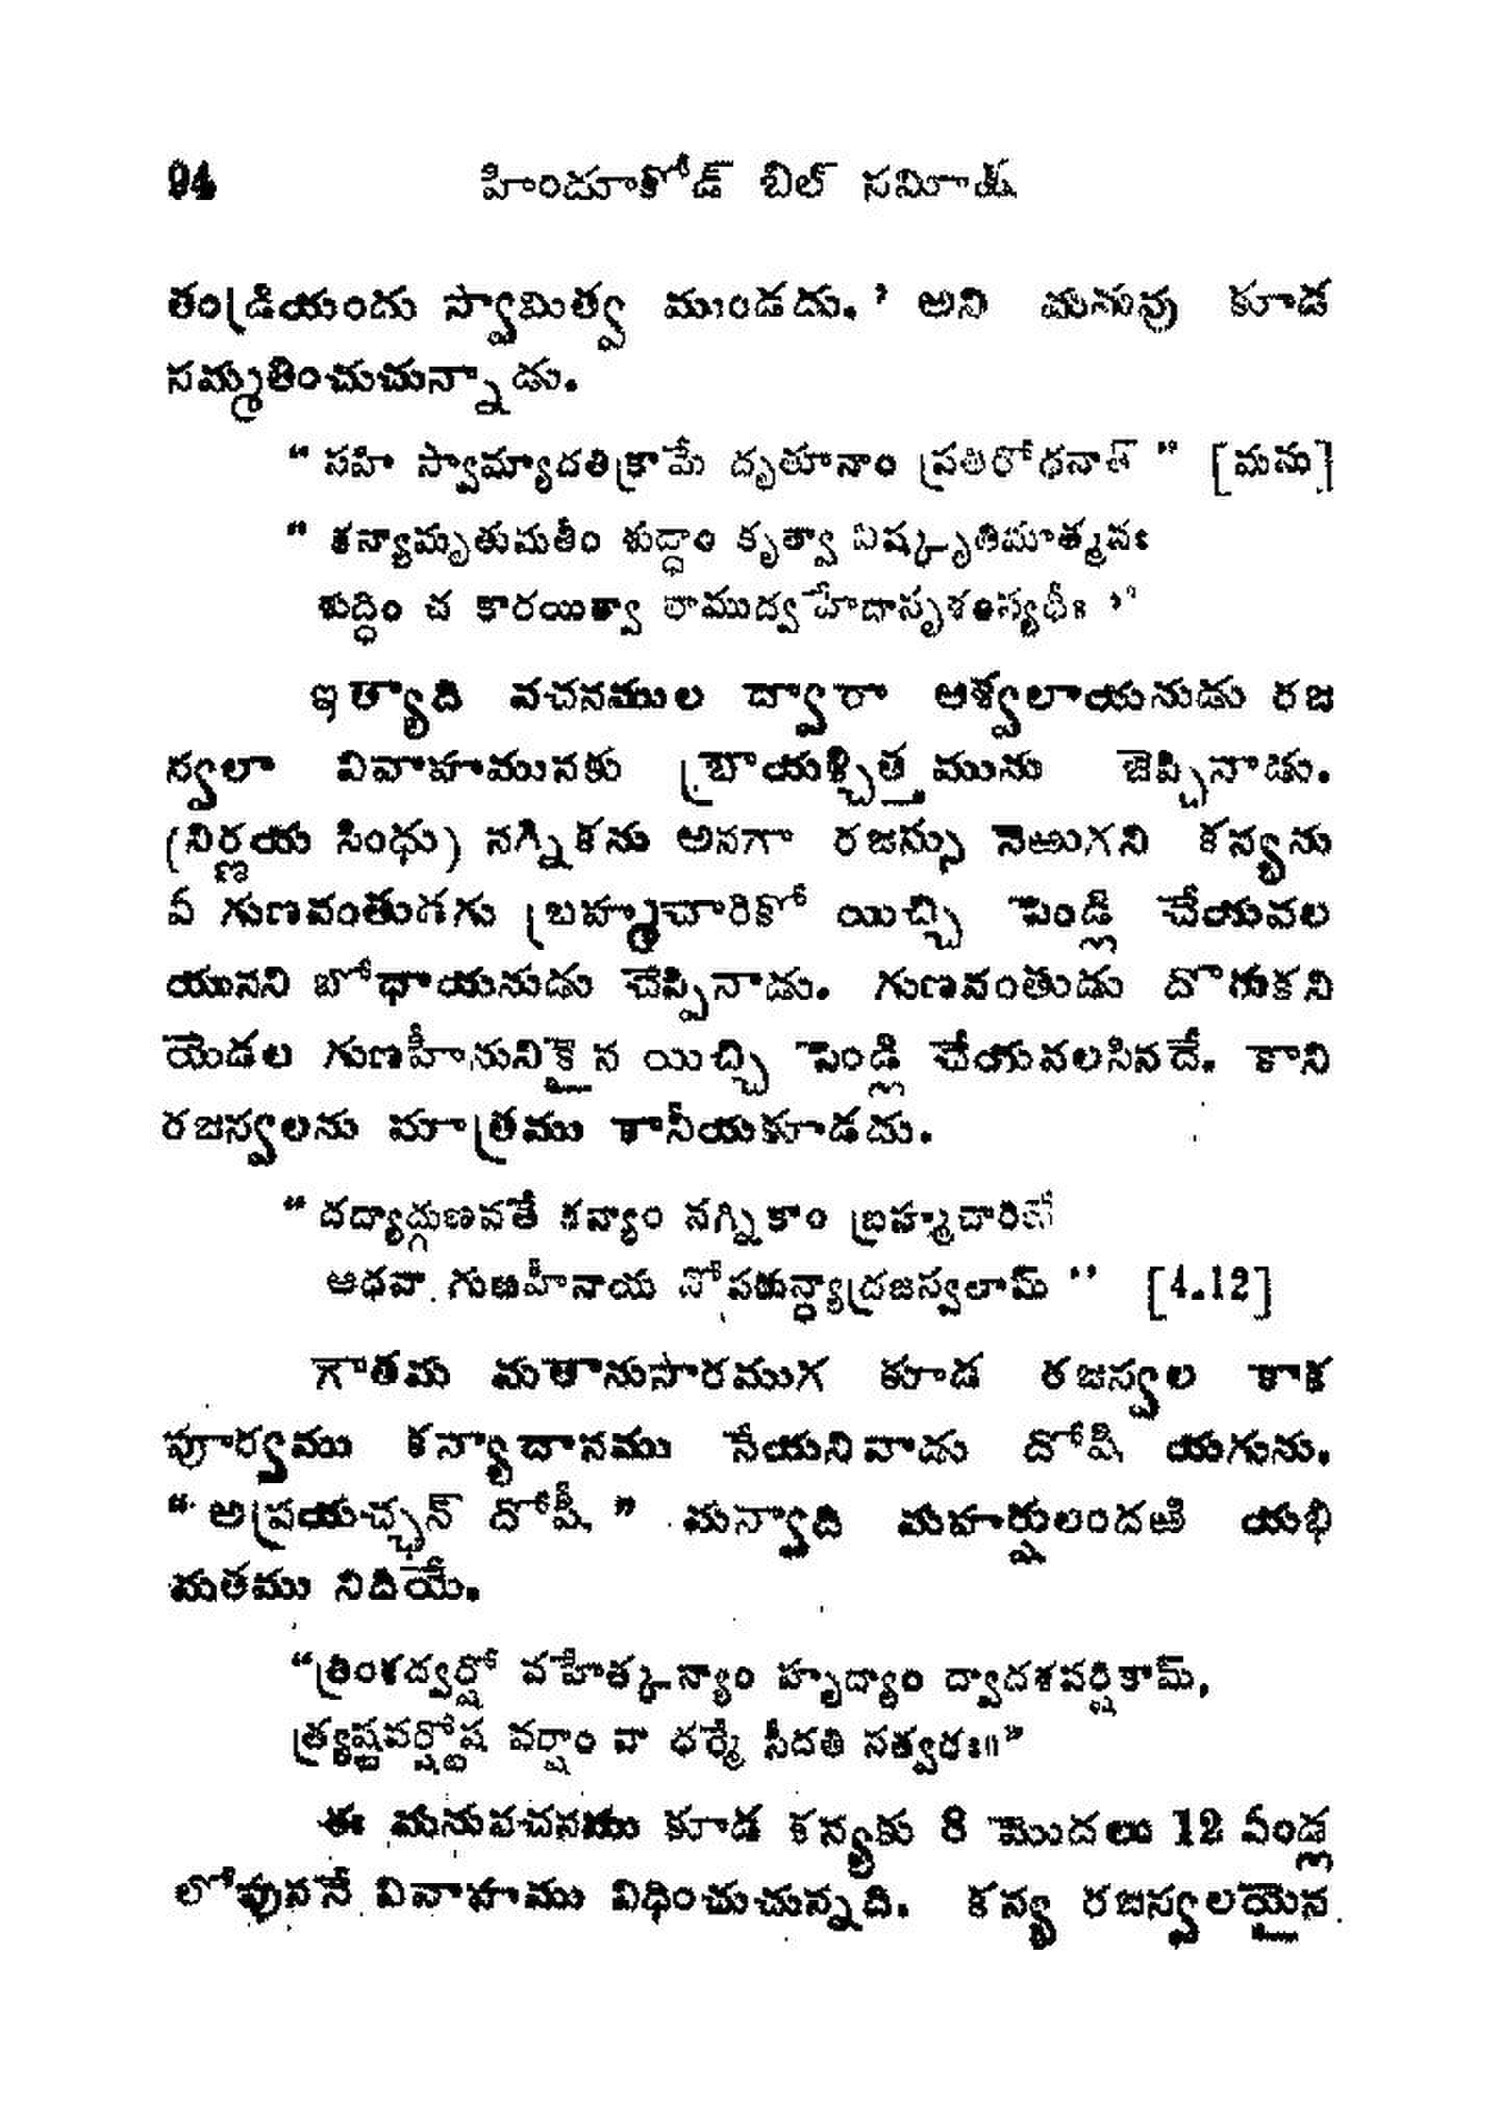తండ్రియందు స్వామిత్వ ముండదు.' అని మనువు కూడ
సమ్మతించుచున్నాడు.

"సహి స్వామ్యాదతిక్రామే దృతూనాం ప్రతిరోధనాత్ " [మను]

"కన్యామృతుమతీం శుద్ధాం కృత్వా విష్కృతిమాత్మనః
 శుద్ధిం చ కారయిత్వా తాముద్వహేదానృశంస్యధీః"

ఇత్యాది వచనముల ద్వారా ఆశ్వలాయనుడు రజ
స్వలా వివాహమునకు బ్రాయశ్చిత్తమును జెప్పినాడు.
(నిర్ణయ సింధు) నగ్నికను అనగా రజన్సు నెఱుగని కన్యను
ఏ గుణవంతుడగు బ్రహ్మచారికో యిచ్చి పెండ్లి చేయవల
యుసని బోధాయనుడు చెప్పినాడు. గుణవంతుడు దొరుకని
యెడల గుణహీనునికైన యిచ్చి పెండ్లి చేయవలసినదే. కాని
రజస్వలను మాత్రము కానీయకూడదు.

" దద్యాద్గుణవతే కన్యాం నగ్నికాం బ్రహ్మచారిణే
 అధవా గుణహీనాయ నోపరున్ధ్యాద్రజస్వలామ్ " [4.12]
 
గౌతమ మతానుసారముగ కూడ రజస్వల కాక
పూర్వము కన్యాదానము చేయనివాడు దోషి యగును.
"అప్రయచ్చన్ దోషీ" - మన్వాది మహర్షులందఱి యభి
మతము నిదియే.

"త్రింశద్వర్షో వహేత్కన్యాం హృద్యం ద్వాదశవర్షికామ్,
 త్య్రష్టవర్షోష్ట వర్షాం నా ధర్మే సీదతి సత్వరః॥”

ఈ మనువచనము కూడ కన్యకు 8 మొదలు 12 ఏండ్ల
లోవుననే వివాహము విధించుచున్నది. కన్య రజస్వలయైన.